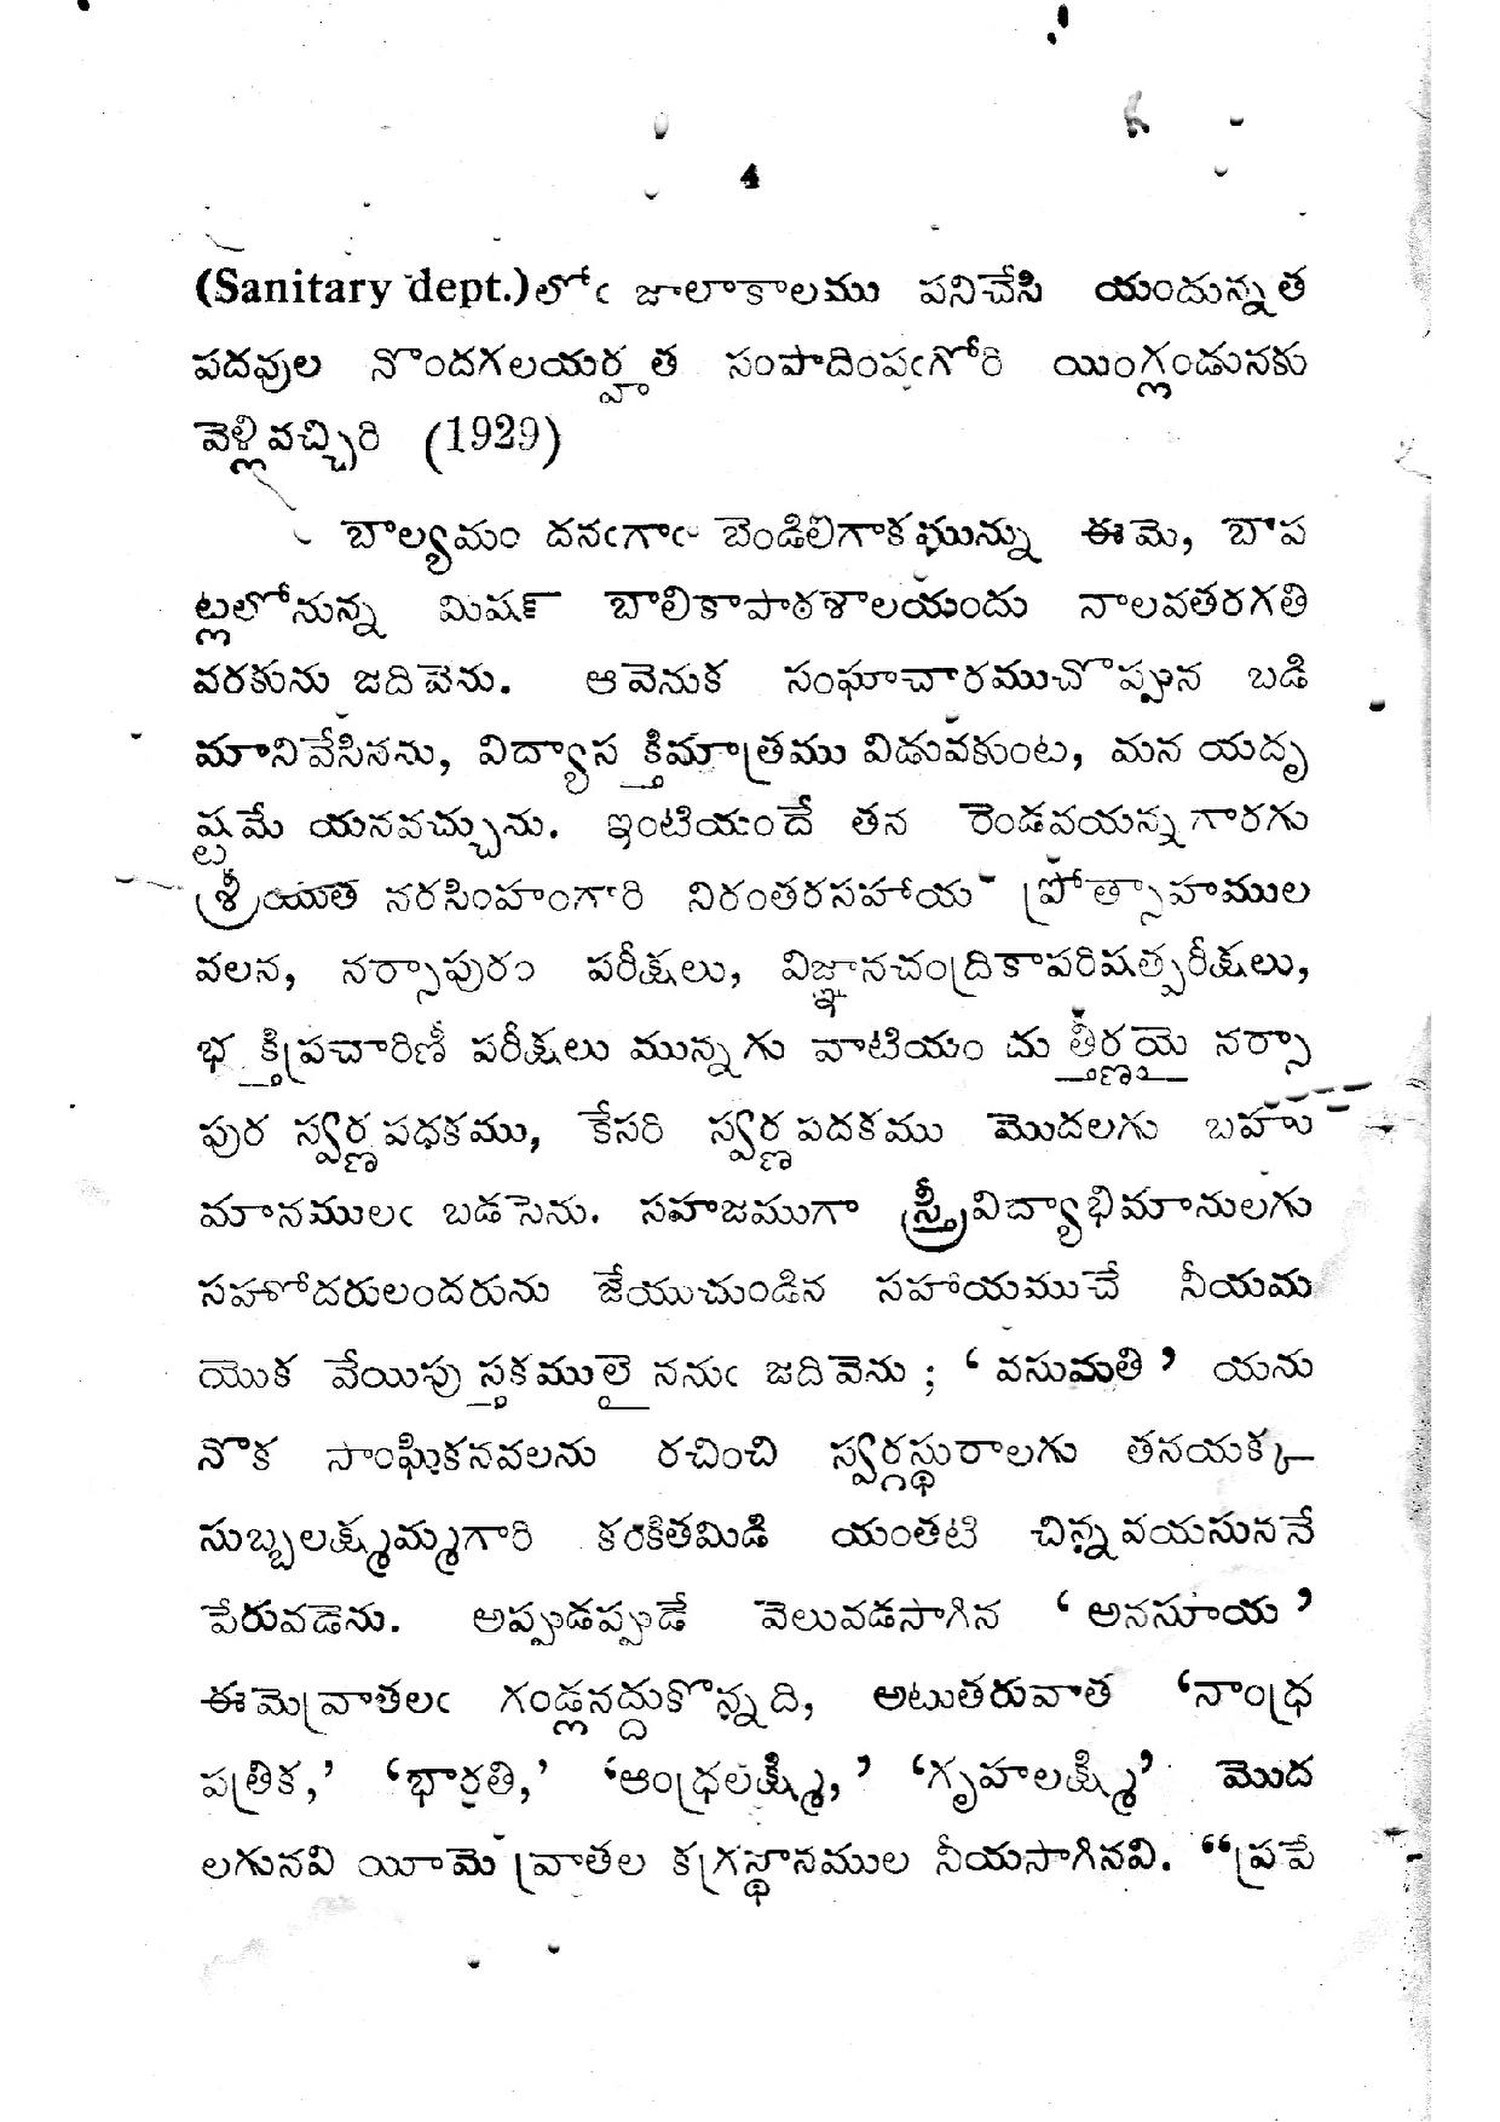(Sanitary dept)లోఁ జాలాకాలము పనిచేసి యందున్నతపదవుల నొందగలయర్హత సంపాదింపఁగోరి యింగ్లండునకు వెళ్లివచ్చిరి (1929)

బాల్యమం దనఁగాఁ బెండిలిగాకమున్ను ఈమె, బాపట్లలోనున్న మిషన్ బాలికాపాఠశాలయందు నాలవతరగతి వరకును జదివెను. ఆవెనుక సంఘాచారముచొప్పున బడి మానివేసినను, విద్యాసక్తిమాత్రము విడువకుంట, మన యదృష్టమే యనవచ్చును. ఇంటియందే తన రెండవయన్నగారగు శ్రీయుత నరసింహంగారి నిరంతరసహాయ ప్రోత్సాహముల వలన, నర్సాపురం పరీక్షలు, విజ్ఞానచంద్రికాపరిషత్పరీక్షలు, భక్తిప్రచారిణీ పరీక్షలు మున్నగు వాటియం దుత్తీర్ణయై నర్సాపుర స్వర్ణపధకము, కేసరి స్వర్ణపదకము మొదలగు బహుమానములఁ బడసెను. సహజముగా స్త్రీవిద్యాభిమానులగు సహోదరులందరును జేయుచుండిన సహాయముచే నీయమ యొక వేయిపుస్తకములైననుఁ జదివెను. 'వసుమతి' యను నొక సాంఘికనవలను రచించి స్వర్గస్థురాలగు తనయక్క సుబ్బలక్ష్మమ్మగారి కంకితమిడి యంతటి చిన్నవయసుననే పేరువడెను. అప్పడప్పడే వెలువడసాగిన 'అనసూయ' ఈమెవ్రాతలఁ గండ్లనద్దుకొన్నది, అటుతరువాత 'నాంధ్రపత్రిక,' 'భార్రతి', 'ఆంధ్రలక్ష్మీ ', 'గృహలక్ష్మీ' మొదలగునవి యిూమె వ్రాతల కగ్రస్థానముల నీయసాగినవి, "ప్రపే